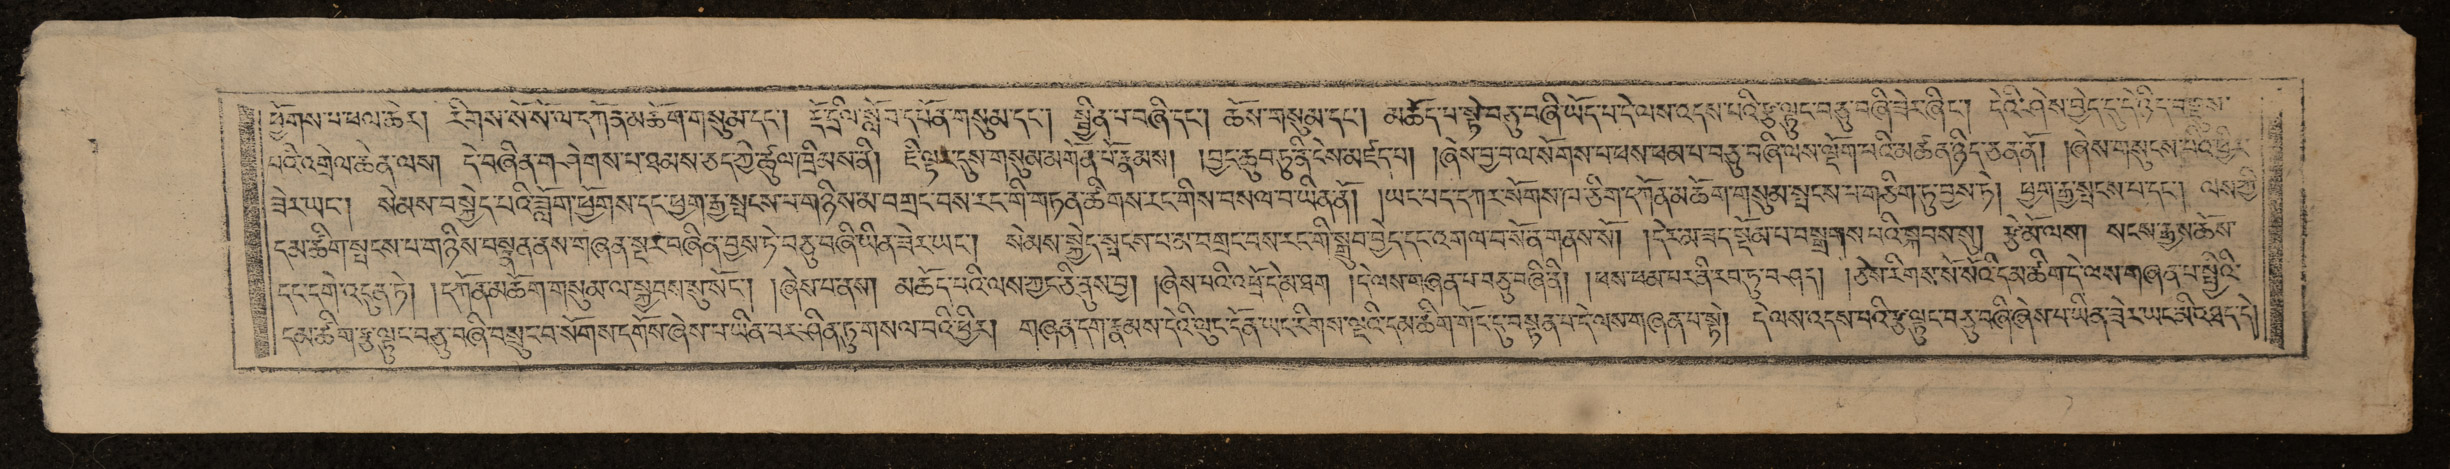ཕྱོགས་པ་ཕལ་ཆེར། རིགས་སོ་སོ་ལ་དཀོན་མཆོག་གསུམ་དང་། རྡོ་རྲིལ་སློབ་དཔོན་གསུམ་དང་། སྦྱིན་པ་བཞི་དང་། ཆོས་གསུམ་དང་། མཆོད་བསྟེ་བཅུ་བཞི་ཡོད་པ་དེ་ལས་འདས་བའི་རྩ་ལྟུང་བཅུ་བཞི་ཟེར་ཞིང་། དེའི་ཤེས་བྱེད་དུ་དེ་ཉིད་བསྡུས་
པའི་འགྲེལ་ཆེན་ལས། དེ་བཞིན་གཤེགས་པ་ཐམས་ཅད་ཀྱི་ཚུལ་ཁྲིམས་ནི། ཇི་ལྟར་དུས་གསུམ་མགོན་པོ་རྣམས། །བྱང་ཆུབ་ཏུ་ནི་ངེས་མཛད་པ། །ཞེས་བྱ་བ་ལ་སོགས་པ་ཕས་ཕམ་པ་བཅུ་བཞི་ལས་ལྡོག་པའི་མཚན་ཉིད་ཅན་ནོ། །ཞེས་གསུངས་པའི་ཕྱིར་
ཟེར་ཡང་། སེམས་བསྐྱེད་པའི་ཟློག་ཕྱོགས་དང་ཕྱག་རྒྱ་སྤངས་པ་གཉིས་མ་བགྲང་བས་རང་གི་གཏན་ཚིགས་རང་གིས་བསལ་བ་ཡིན་ནོ། །ཡང་པད་དཀར་སོགས་ཁ་ཅིག་དཀོན་མཆོག་གསུམ་སྤངས་པ་གཅིག་ཏུ་བྱས་ཏེ། ཕྱག་རྒྱ་སྤངས་པ་དང་། ལས་ཀྱི་
དམ་ཚིག་སྤངས་པ་གཉིས་བསྣན་ནས་གཞན་སྔར་བཞིན་བྱས་ཏེ་བཅུ་བཞི་ཡིན་ཟེར་ཡང་། སེམས་བསྐྱེད་སྤངས་པ་མ་བགྲང་བས་རང་གི་སྒྲུབ་བྱེད་དང་འགལ་བསོན་གནས་སོ། །དེར་མ་ཟད་སྡོམ་པ་བསྒྲགས་པའི་སྐབས་སུ། རྩེ་མོ་ལས། སངས་རྒྱས་ཆོས་
དང་དགེ་འདུན་ཏེ། །དཀོན་མཆོག་གསུམ་ལ་སྐྱབས་སུ་སོང་། །ཞེས་པ་ནས། མཆོད་པའི་ལས་ཀྱང་ཅི་ནུས་བྱ། །ཞེས་པའི་འཕྲོ་དེ་མཐག །དེ་ལས་གཞན་བ་བཅུ་བཞི་ནི། །ཕས་ཕམ་པར་ནི་རབ་ཏུ་བཤད། །ཅེས་རིགས་སོ་སོ་འདི་མཚིག་དེ་ལས་གཞན་པ་སྦྱིའི་
དམ་ཚིག་རྩ་ལྟུང་བཅུ་བཞི་བསྲུང་པ་སོགས་དགོས་ཞེས་པ་ཡིན་པར་ཤིན་ཏུ་གསལ་ཕྱིར། གཞན་དག་རྣམས་དེའི་ལུང་དོན་ཡང་རིགས་ལྔའི་དམ་ཚིགས་གོང་དུ་བསྟན་པ་དེ་ལས་གཞན་བསྟེ། དེ་ལས་འདས་བའི་རྩ་ལྟུང་བཅུ་བཞི་ཞེས་པ་ཡིན་ཟེར་ཡང་མི་འཐད་དེ།